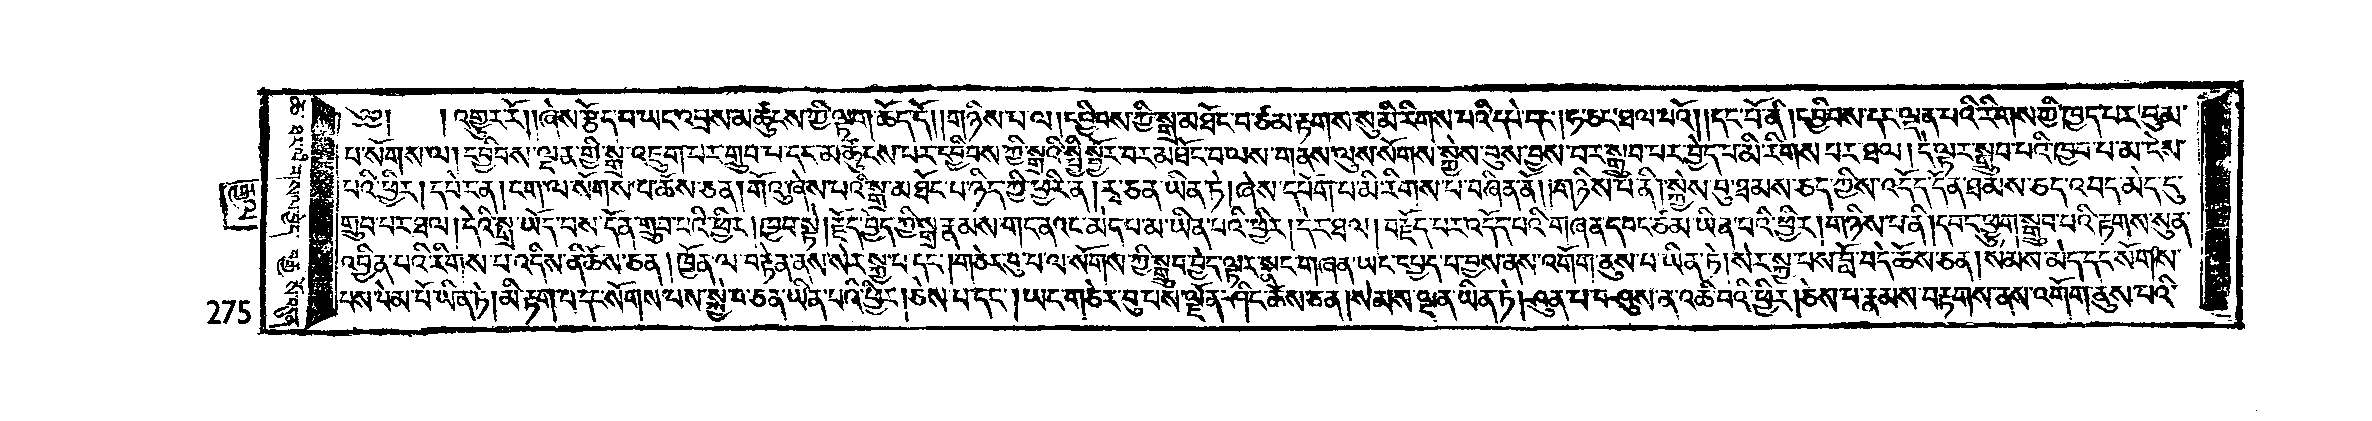༄༅། །འགྱུར་རོ། །ཞེས་རྩོད་པ་ཡང་འབྲས་མཚུངས་ཀྱི་ལྟག་ཆོད་དོ། །གཉིས་པ་ལ། དབྱིབས་ཀྱི་སྒྲ་མཐོང་བ་ཙམ་རྟགས་སུ་མི་རིགས་པའི་དཔེ་དང་། ཧ་ཅང་ཐལ་བའོ། །དང་པོ་ནི། དབྱིབས་དང་ལྡན་པའི་རིགས་ཀྱི་ཁྱད་པར་བུམ་
པ་སོགས་ལ། དབྱིབས་ལྡན་གྱི་སྒྲ་འཇུག་པར་གྲུབ་པ་དང་མཚུངས་པར་དབྱིབས་ཀྱི་སྒྲའི་སྤྱི་སྦྱོར་བར་མཐོང་བ་ལས་གནས་ལུས་སོགས་སྐྱེས་བུས་བྱས་པར་སྒྲུབ་པར་བྱེད་པ་མི་རིགས་པར་ཐལ། དེ་ལྟར་སྒྲུབ་པའི་ཁྱབ་པ་མ་ངེས་
པའི་ཕྱིར་།དཔེར་ན། ངག་ལ་སོགས་པ་ཆོས་ཅན། གོའུ་ཞེས་པའི་སྒྲ་མཐོང་བ་ཉིད་ཀྱི་ཕྱིར་ན། རྭ་ཅན་ཡིན་ཏེ། ཞེས་དཔོག་པ་མི་རིགས་པ་བཞིན་ནོ། །གཉིས་པ་ནི། སྐྱེས་བུ་ཐམས་ཅད་ཀྱིས་འདོད་དོན་ཐམས་ཅད་འབད་མེད་དུ་
གྲུབ་པར་ཐལ། དེའི་སྒྲ་ཡོད་པས་དོན་གྲུབ་པའི་ཕྱིར། ཁྱབ་སྟེ། རྗོད་བྱེད་ཀྱི་སྒྲ་རྣམས་གང་ནའང་མེད་པ་མ་ཡིན་པའི་ཕྱིར། དེར་ཐལ། བརྗོད་པར་འདོད་པའི་གཞན་དབང་ཙམ་ཡིན་པའི་ཕྱིར། གཉིས་པ་ནི། དབང་ཕྱུག་སྒྲུབ་པའི་རྟགས་སུན་
འབྱིན་པའི་རིགས་པ་འདིས་ནི་ཆོས་ཅན། ཁྱོན་ལ་བརྟེན་ནས་སེར་སྐྱ་པ་དང་། གཅེར་དུ་བ་ལ་སོགས་ཀྱི་སྒྲུབ་བྱེད་ལྟར་སྣང་གཞན་ཡང་དཔྱད་པ་བྱས་ནས་འགོག་ནུས་པ་ཡིན་ཏེ། སེར་སྐྱ་པས་བློ་བདེ་ཆོས་ཅན། སེམས་མེད་དང་སོགས་
པས་བེམ་པོ་ཡིན་ཏེ། མི་རྟག་པ་དང་སོགས་པས་སྐྱེ་བ་ཅན་ཡིན་པའི་ཕྱིར། ཅེས་པ་དང་། ཡང་གཅེར་བུཾ་པས་ལྗོན་ཤིང་ཆོས་ཅན། སེམས་ལྡན་ཡིན་ཏེ། ཤུན་པ་བཤུས་ན་འཆི་བའི་ཕྱིར། ཅེས་པ་རྣམས་བརྟགས་ནས་འགོག་ནུས་པའི་